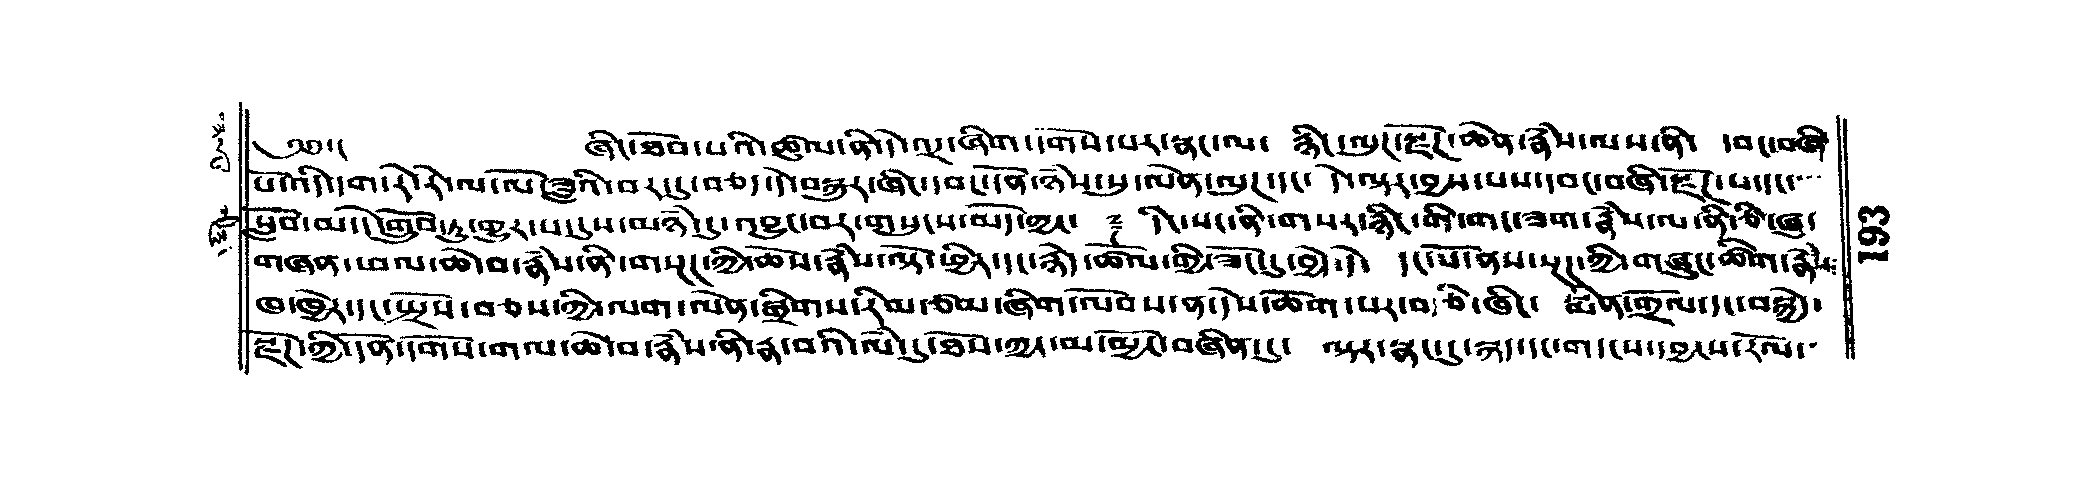ཞིང་ཐོབ་པའི་ཚུལ་ནི་དེ་འདྲ་ཞིག་དགོས་པར་སྣང་ལ། རྙིང་ལུགས་རྫོགས་ཆེན་རྣམས་ལས་ནི། དབང་བཞི་
པོ་འདི་དག་རེ་རེ་ལ་ལོ་ཟླའི་བར་དུ་བཅད་དེ་བསྐུར་ཞིང་དབང་དོན་ཉམས་སུ་ལེན་ལུགས་དང་། དེ་ལྟར་བྱས་པས་དབང་བཞི་རྫོགས་པ་དང་
སློབ་མ་དེ་གྲུབ་ཐོབ་ཏུ་གྱུར་པ་དུས་མཉམ་དུ་འབྱུང་བར་གསུངས་མོད་ཀྱང་། དིང་སང་ནི་གསར་རྙིང་གི་གང་ཟག་རྣམས་ལ་ནི་ཅི་ཞུ། 
གཞན་ཕལ་ཆེ་བ་རྣམས་ནི་གསང་སྔགས་ཀྱི་ཆོས་རྣམས་ལྟོ་ཕྱིར་དང་རྙེད་ཚོལ་གྱི་ཟོང་དུ་བྱེད་དེ། དང་པོ་ནས་སྔགས་ཀྱི་གཞུང་ཚིག་རྣམས་
ཁ་ཁྱེར་དང་སྤྲོས་བཅས་ཀྱི་ལག་ལེན་བསྒྲིགས་རིམ་ཙམ་ཞིག་ལོབས་ན་དེས་ཆོག་པར་བརྩི་ཞིང་། སྨིན་གྲོལ་དང་བསྐྱེད་
རྫོགས་ཀྱི་དོན་དགོས་གལ་ཆེ་བ་རྣམས་ནི་རྣ་བའི་ལམ་དུ་ཐོས་ཀྱང་མ་མྱོང་བཞིན་དུ། ལྟར་སྣང་དུ་སྐད་དང་གདངས་དབྱངས་རོལ་